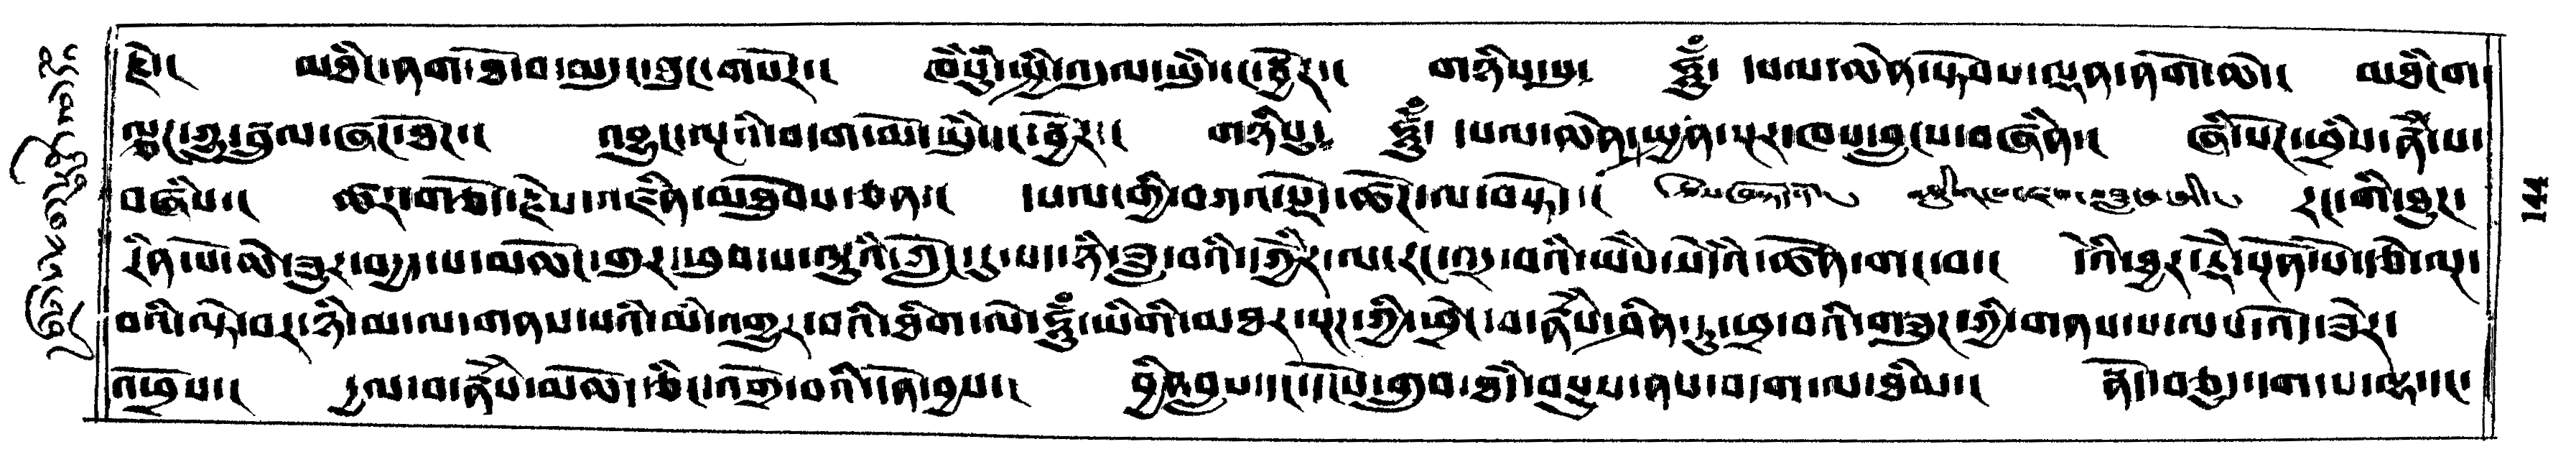རྗེ། །མཐིང་ནག་ཐོ་བ་མདུང་ཐུང་གསོར། ཁམས་གསུམ་སྤྱི་འདུལ་ཡུམ་དང་སྦྱོར། །གཉིས་སུ༴ ཧཱུྃ། དཔལ་ཆེན་སྟོབས་ལྡན་ནག་པོ་ཆེ། །མཐིང་ནག་
ལྕགས་ཀྱུ་སྦྲུལ་ཞགས་ཐོགས། །འབྱུང་ལྔའི་བདག་མོ་ཡུམ་དང་སྦྱོར། །གཉིས་སུ༴ ཧཱུྃ། དཔལ་ཆེན་སྤྱན་སྔར་ཁས་བླངས་བཞིན། །ཞི་སོགས་ཕྲིན་ལས་རྣམ་པ་
བཞིས། ཚར་གཅོད་རྗེས་འཛིན་མཐུ་སྟོབས་ཅན། །དཔལ་གྱི་བཀའ་སྡོད་ཚོགས་ལ་བསྟོད། ཅེས་བསྟོད་དོ། བཅུ་གཅིག་པ་ཛབ་བཟླ་བ་ནི། རང་གི་ཐུགས་
རིན་པོ་ཆེ་ཟུར་བརྒྱད་པ་མཆོང་གུར་ཕུབ་པ་ལྟ་བུའི་ཀློང་དུ་པད་ཉི་ཟླ་བའི་དཀྱིལ་འཁོར་ལ་རང་འདྲ་བའི་ཡེ་ཤེས་སེམས་དཔའ་ཚོན་གང་བ། དེའི་མཐར་རྡོ་རྗེ་སྔོན་པོ་རྩེ་ལྔ་
པའི་ལྟེ་བར་ཉི་མ་ལ་གནས་པའི་མི་འགྱུར་བའི་ཐིག་ལེ་ཧཱུྃ་ཡིག་གི་མཐར་སྔགས་ཀྱི་ཕྲེང་བ་རྣམས་ཤིན་ཏུ་ཕྲ་བའི་གཟུགས་ཀྱི་གནས་པ་ལས་འོད་ཟེར་
འཕྲོས། རྒྱལ་བ་རྣམས་མཆོད་ཅིང་འགྲོ་བའི་དོན་བྱས། །བྱིན་རླབས་དང་དངོས་གྲུབ་ཐམས་ཅད་བསྡུས་ནས་བདག་ལ་ཐིམ། སྣོད་བཅུད་དག་པ་ལྷ་དང་